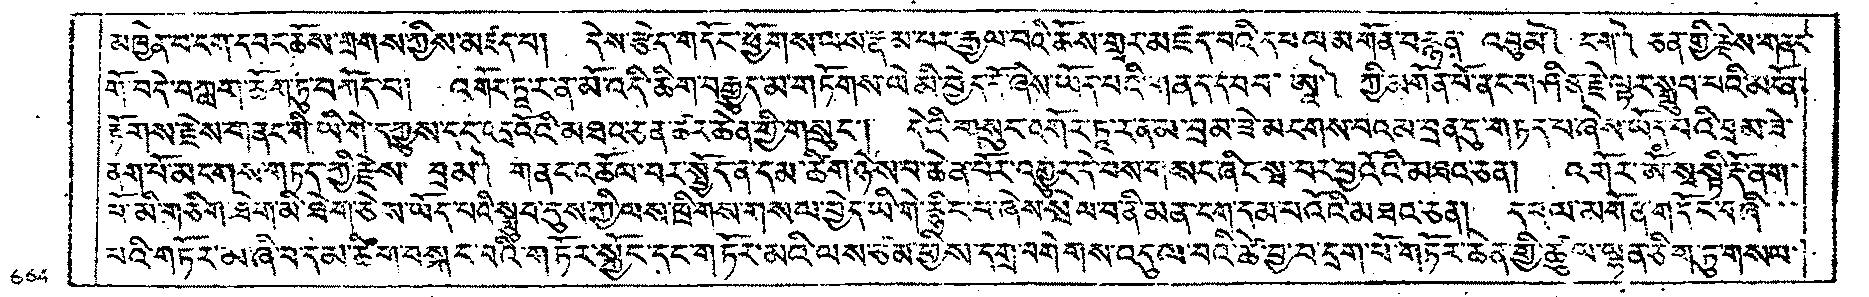མཁྱེན་པ་ངག་དབང་ཆོས་གྲགས་ཀྱིས་མཛད་པ། དེས་རྩེད་གདོང་ཕྱོགས་ལས་རྣམ་པར་རྒྱལ་བའི་ཆོས་གྲྭར་མཛད་པའི་དཔལ་མགོན་བརྙན་འབུམ྄་ངག྄་ཅན་གྱི་རྗེས་གནང་
གོ་བདེ་བཀླག་ཆོག་ཏུ་བཀོད་པ། འགོར་ཏཱ་ར་ན་མོ་འདི་ཆིག་བརྒྱུད་མ་གཏོགས་ཡེ་མི་བྱེད་དོ་ཞེས་ཡོད་པའི་གནད་དབབ་ཨ྄ཱ་ཀྱི་མགོན་པོ་ནང་གཤིན་རྗེ་ལྟར་སྒྲུབ་པའི་མངོན་
རྟོགས་རྗེས་གནང་གི་ཡི་གེ་དཀྱུས་དང་འདྲའོའི་མཐའ་ཅན་ཚར་ཆེན་གྱི་གསུང་། དེའི་གསུང་འགོར་ཏཱ་ར་ན་མ་བྲམ་ཟེ་མངགས་པའམ་བྲན་དུ་གཏད་པ་ཞེས་ཡོད་པའི་བྲམ་ཟེ་
ནག་པོ་མངགས་གཏད་ཀྱི་རྗེས་བྲམ྄་གནང་འཆོལ་བར་སྤྱོད་ན་དམ་ཚིག་ཉེས་པ་ཆེན་པོར་འགྱུར་དེ་བས་གསང་ཞིང་སྦ་བར་བྱའོའི་མཐའ་ཅན། འགོར་ཨོཾ་སྭསྟི་རྡོ་ནག་
པོ་མི་གཅིག་ཐེག་མི་ཐེག་ཅེས་ཡོད་པའི་སྒྲུབ་དུས་ཀྱི་ལས་ཁྲིགས་གསལ་བྱེད་ཡི་གེ་རྙིང་པ་ཞེས་སྤེལ་བ་ནི་མན་ངག་དམ་པའོའི་མཐའ་ཅན། དཔལ་མགོན་གདོང་བཞི་
པའི་གཏོར་མ་ཞི་བ་དམ་ཚིག་བསྐང་བའི་གཏོར་སྐྱོང་དང་གཏོར་མའི་ལས་ཙམ་གྱིས་དགྲ་བགེགས་འདུལ་བའི་ཚེ་བྱ་བ་དྲག་པོ་གཏོར་ཆེན་གྱི་ཚུལ་ལྷན་ཅིག་ཏུ་གསལ་